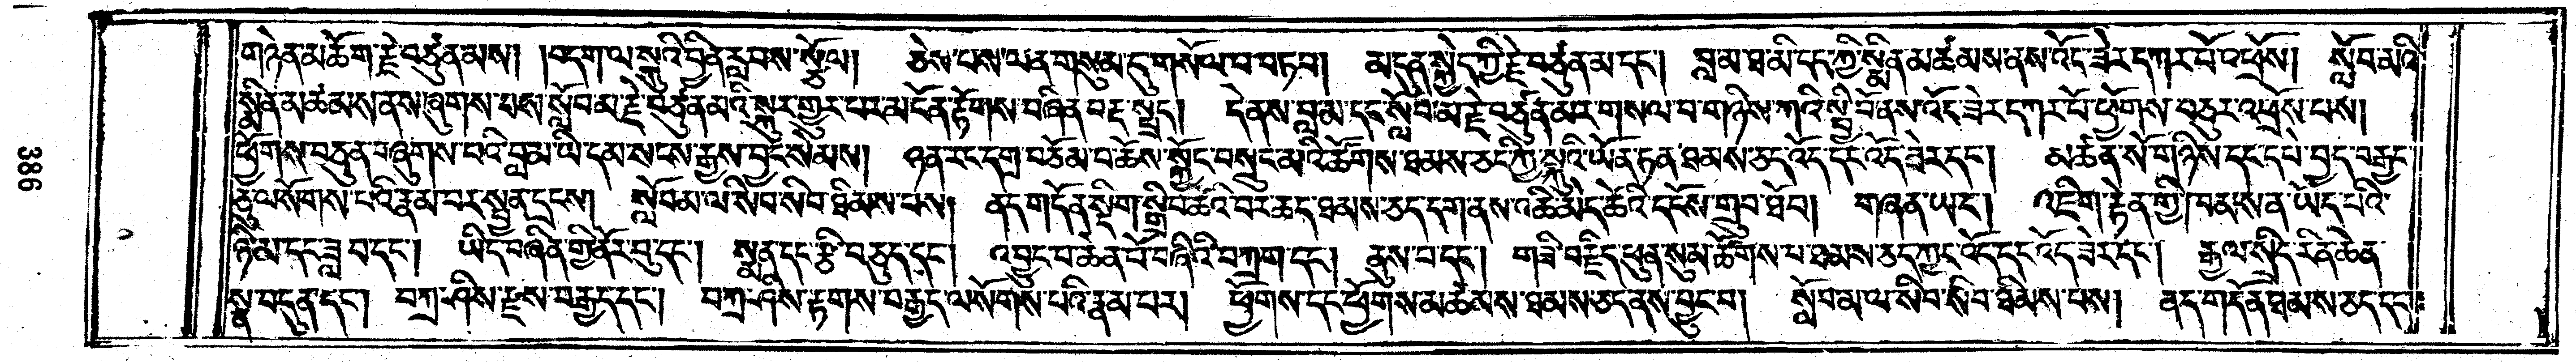གཉེན་མཆོག་རྗེ་བཙུན་མས། །བདག་ལ་སྐུའི་བྱིན་རླབས་སྩོལ། ཅེས་བས་ལན་གསུམ་དུ་གསོལ་བ་བཏབ། མདུན་སྐྱེད་ཀྱི་རྗེ་བཙུན་མ་དང་། བླ་མ་ཐ་མི་དད་ཀྱི་སྨིན་མཚམས་ནས་འོད་ཟེར་དཀར་པོ་འཕྲོས། སློབ་མའི་
སྨིན་མཚམས་ནས་ཞུགས་པས་སློབ་མ་རྗེ་བཙུན་མའི་སྐུར་གྱུར་པར་མངོན་རྟོགས་བཞིན་བརྡ་སྤྲད། དེ་ནས་བླ་མ་དང་སློབ་མ་རྗེ་བཙུན་མར་གསལ་བ་གཉིས་ཀའི་སྦྱི་བོ་ནས་འོད་ཟེར་དཀར་པོ་ཕྱོགས་བཅུར་འཕྲོས་པས།
ཕྱོགས་བཅུན་བཞུགས་པའི་བླ་མ་ཡི་དམ་སངས་རྒྱས་བྱང་སེམས། ཉན་རང་དགྲ་བཅོམ་བ་ཆོས་སྐྱོང་བསྲུང་མའི་ཚོགས་ཐམས་ཅད་ཀྱི་སྐུའི་ཡོན་ཏན་ཐམས་ཅད་འོད་དང་འོད་ཟེར་དང་། མཚན་སོ་གཉིས་དང་དཔེ་བྱད་བརྒྱད་
ཅུ་ལ་སོགས་པའི་རྣམ་པར་སྦྱན་དྲངས། སློབ་མ་ལ་སིབ་སིབ་ཐིམས་པས། ནད་གདོན་སྡིག་སྒྲིབ་ཚེའི་བར་ཆད་ཐམས་ཅད་དག་ནས་འཆི་མེད་ཚེའི་དངོས་གྲུབ་ཐོབ། གཞན་ཡང་། འཇིག་རྟེན་གྱི་ཁམས་ན་ཡོད་པའི་
ཉི་མ་དང་། ཟླ་བ་དང་། ཡིད་བཞིན་གྱི་ནོར་བུ་དང་། སྨན་དང་རྩི་བཅུད་དང་། འབྱུང་བ་ཆེན་པོ་བཞིའི་བཀྲག་དང་། ནུས་པ་དང་། གཟི་བརྗིད་ཕུན་སུམ་ཚོགས་པ་ཐམས་ཅད་ཀྱང་འོད་དང་འོད་ཟེར་དང་། རྒྱལ་སྲིད་རིན་ཆེན་
སྣ་བདུན་དང་། བཀྲ་ཤིས་རྫས་བརྒྱད་དང་། བཀྲ་ཤིས་རྟགས་བརྒྱད་ལ་སོགས་པའི་རྣམ་པར། ཕྱོགས་དང་ཕྱོགས་མཚམས་ཐམས་ཅད་ནས་བྱུང་བ། སློབ་མ་ལ་སིབ་སིབ་ཐིམས་པས། ནད་གདོན་ཐམས་ཅད་དང་